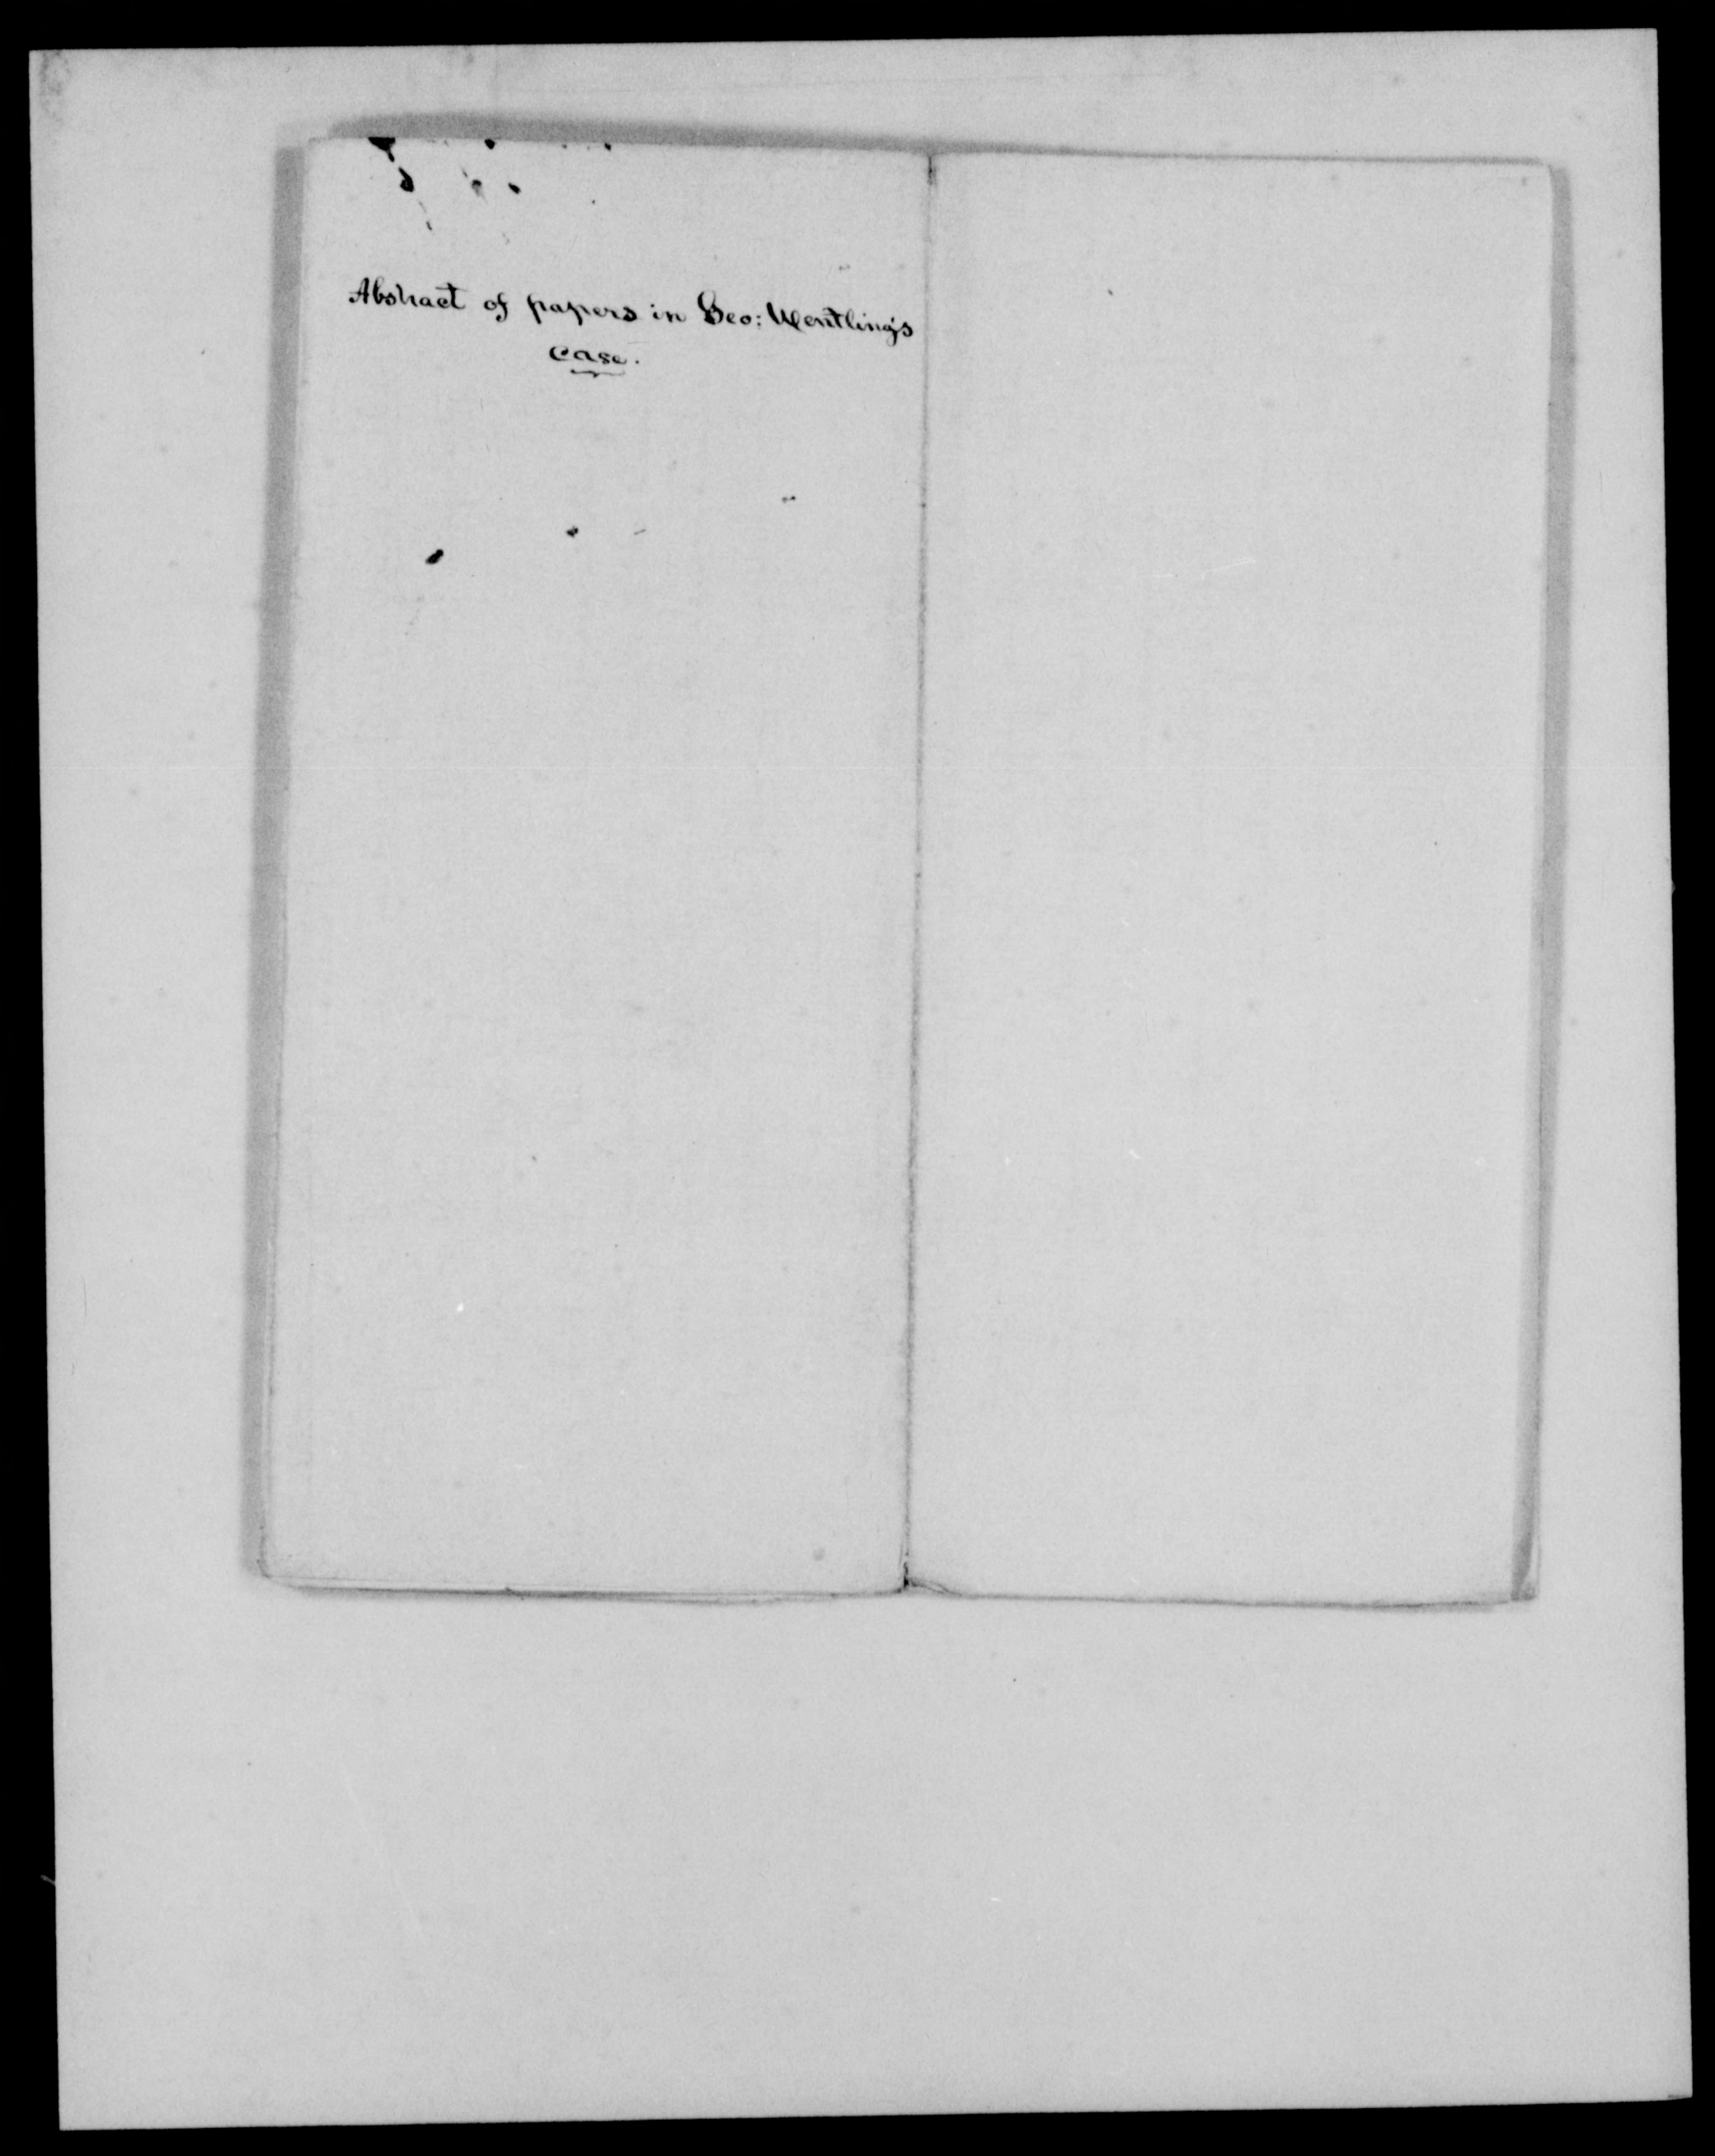Abstract of papers in Geo. Wentling's 
                   case.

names: Geo Wentling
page: 24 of 68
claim: survivor's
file: S. 6,358, George Wentling, Penn.